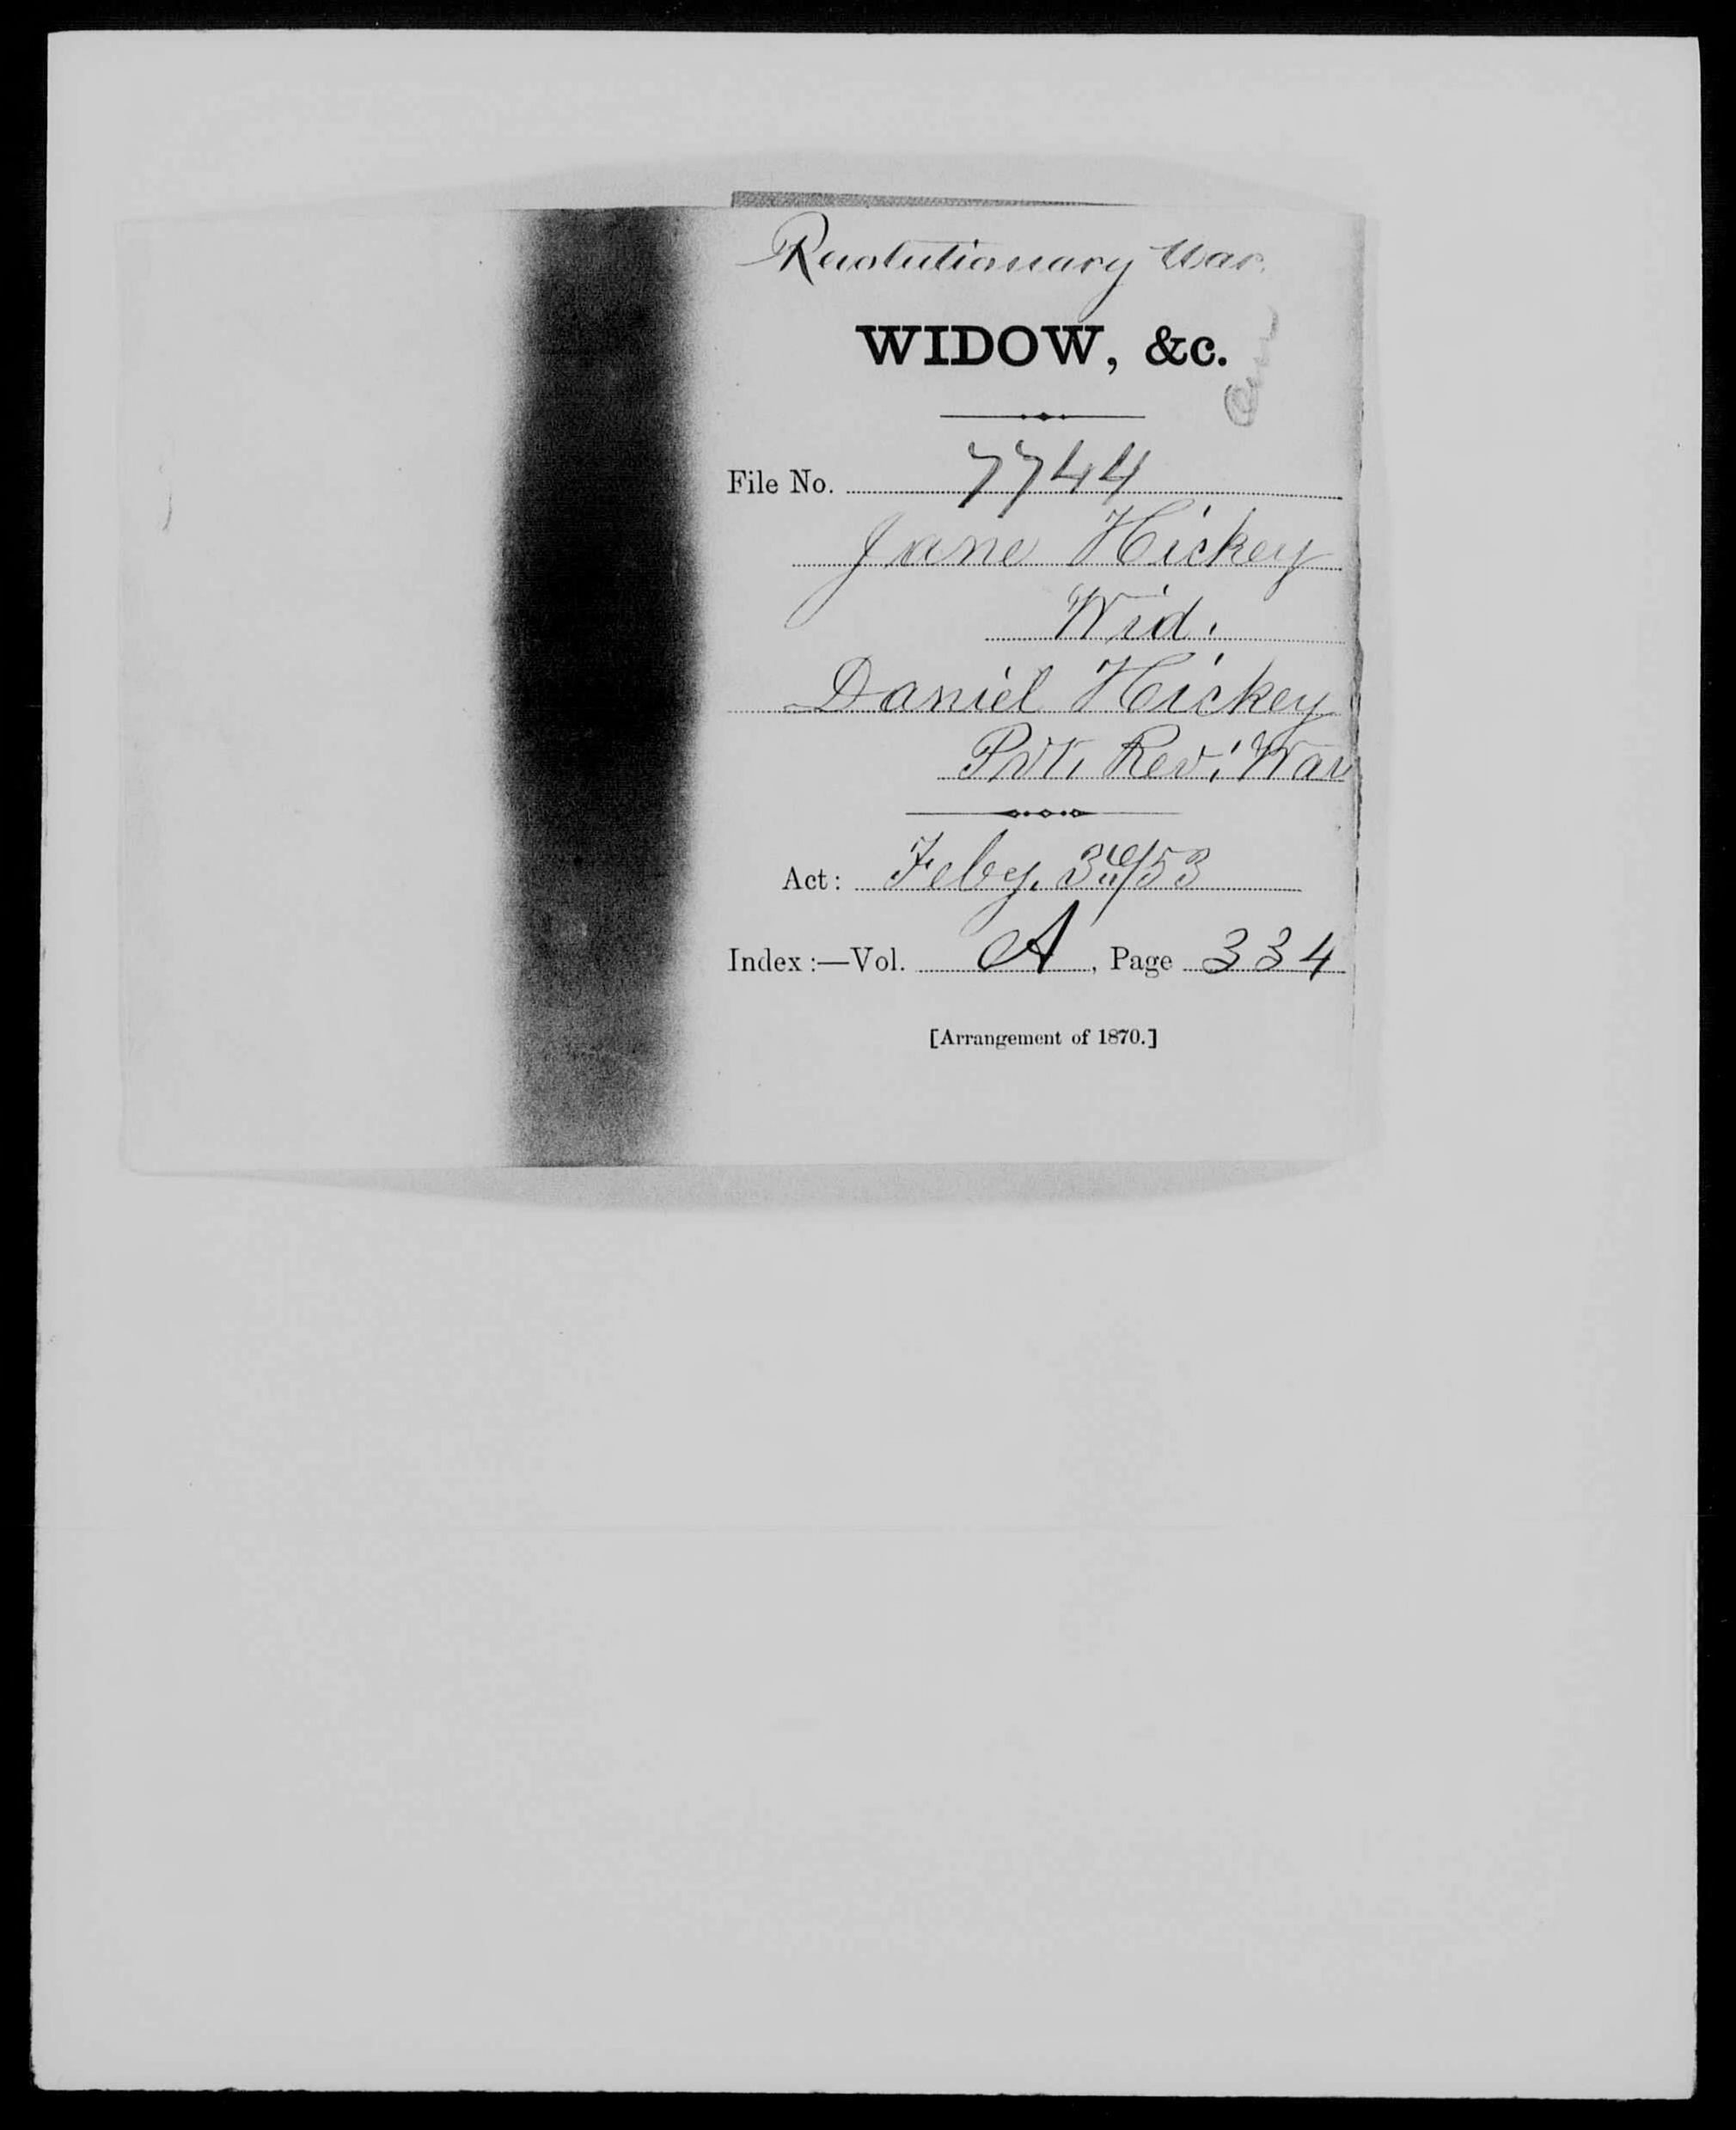Revolutionary War
WIDOW, &c. Owr [penciled initials]
------------------------
File No. 7744
Jane Hickey
Wid.
Daniel Hickey
Pvt Rev. War
-----------------------
Act: Feby. 3rd /53
Index: -- Vol. A,  Page 334

[Arrangement of 1870.]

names: Daniel Hickey, Jane Hickey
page: 16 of 84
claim: widow's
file: W. 7744, Daniel Hickey, Penn.